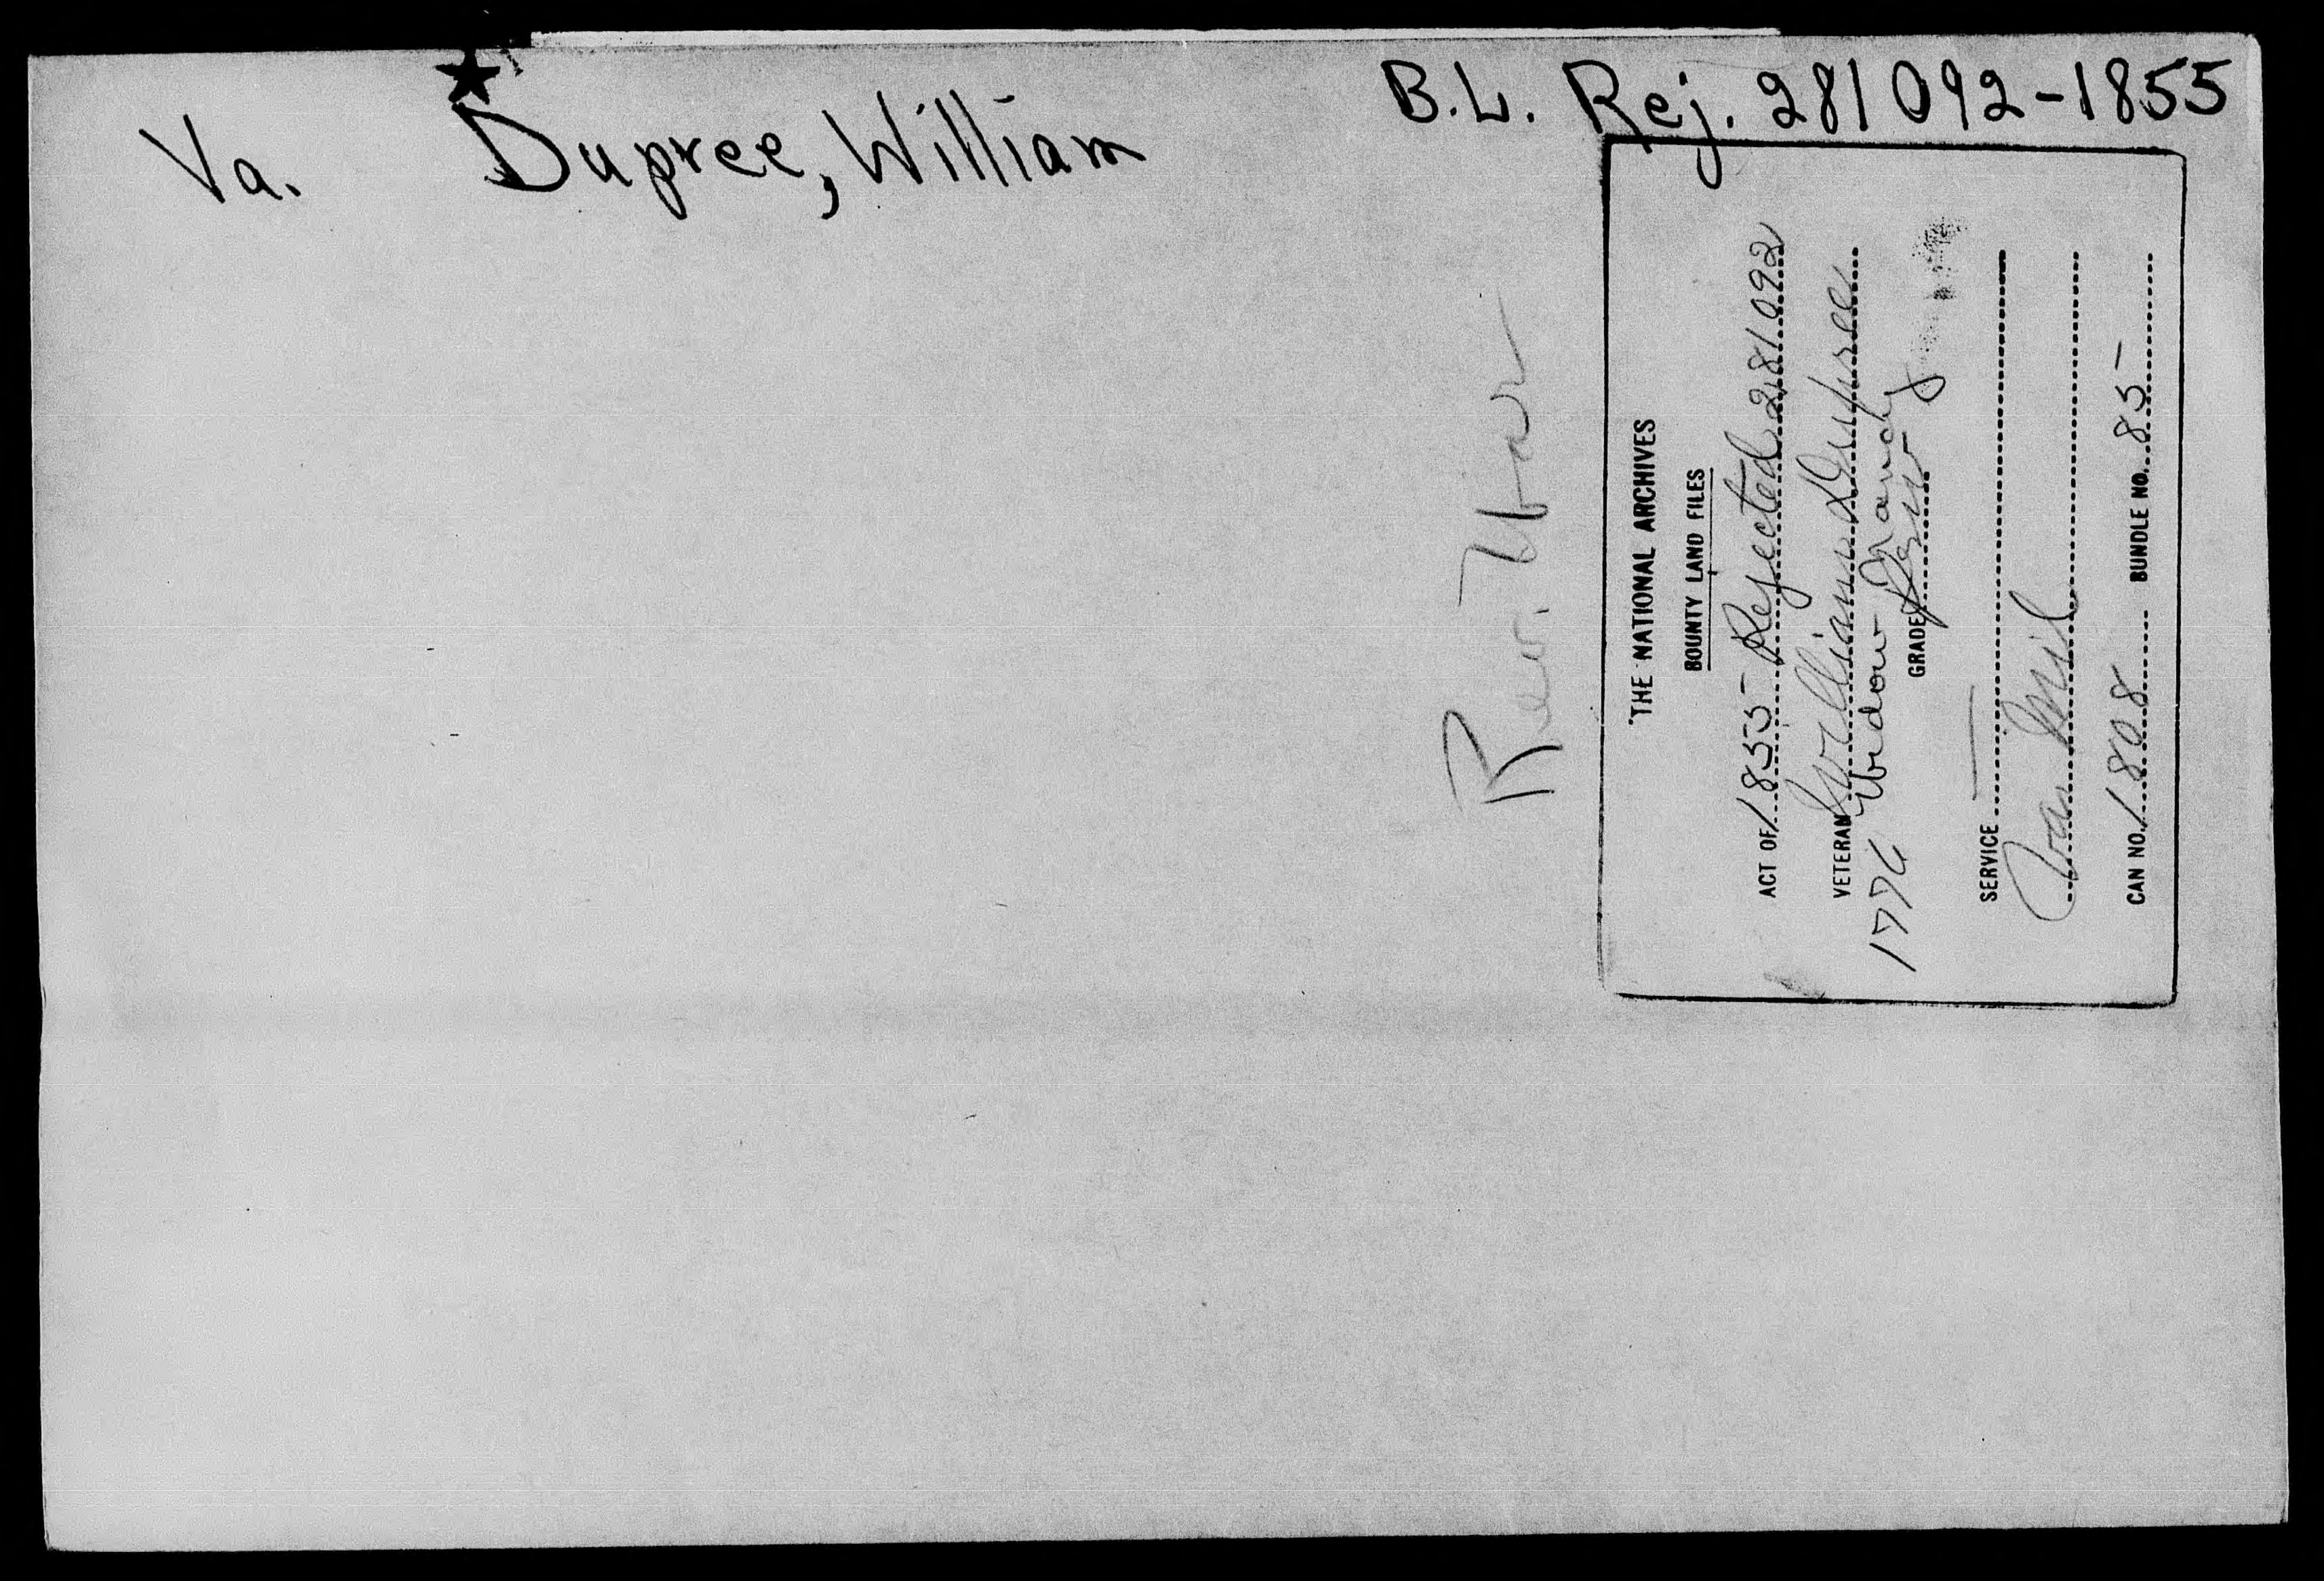Va. Dupree, William B.L. Rej. 281092-1855

Rev. War

THE NATIONAL ARCHIVES
BOUNTY LAND FILES
ACT OF 1855 Rejected 281092
VETERAN William Dupree
1776 Widow Nancy
GRADE PW
SERVICE - 
Van Mil
CAN NO. 1808 Bundle NO. 85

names: Nancy Dupree, William Dupree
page: 1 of 8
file: B. L. Rej. 281092-1855, William Dupree, Va.